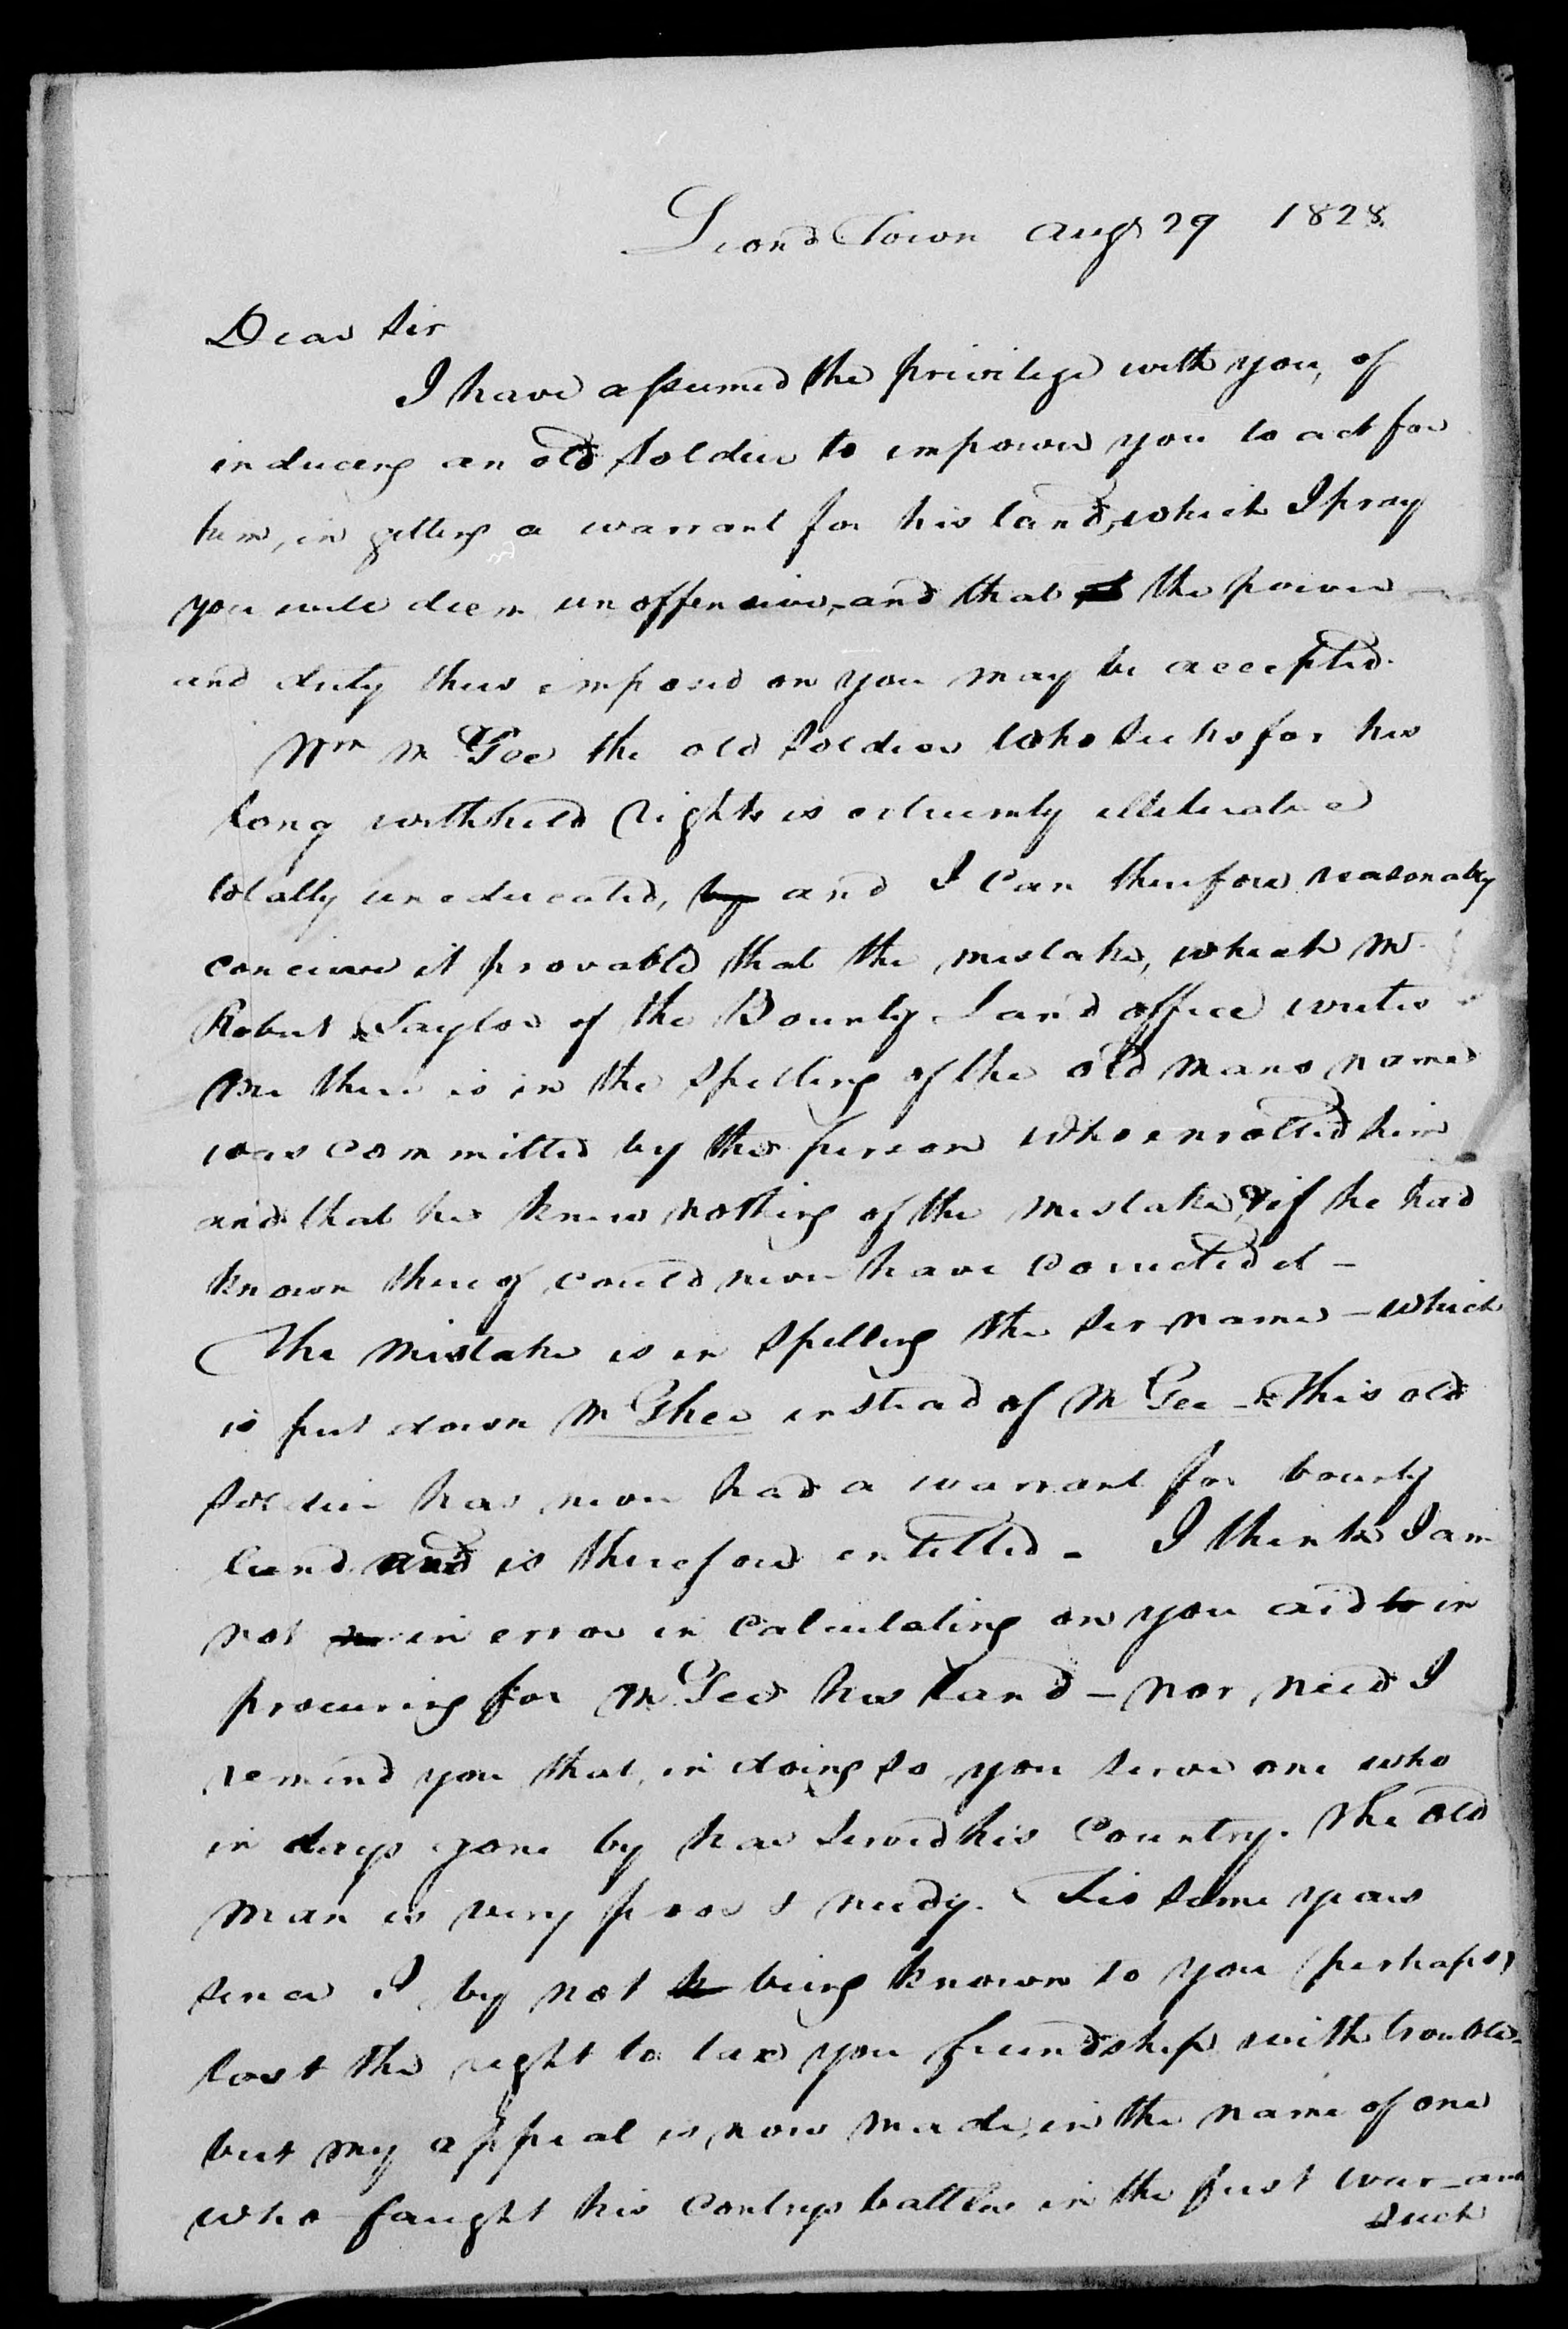Leonardtown Aug 29 1828 

Dear Sir:
I have assumed the privilege with you of inducing an old soldier to empower you to act for him, in getter a warrant for his land, which I pray you will deem unoffensive, and that the power and duty their imposed on you may be accepted. 

Wm. McGee the old soldier who seeks for his long withheld rights is extremely illiterate & totally uneducated, and I can therefore reasonably conceive it provable that the mistake, which Mr. Robert Taylor of the Bounty Land office writes and there is in the spelling of the old mans name was committed by the person who annexed him and that he knew nothing of the mistake & if he had known thereof could never have considered –

The mistake is in spelling the ser name [surname], which is put down McGhee instead of McGee. This old soldier has never had a warrant for bounty land and is therefore entitled. I think I am in error in calculating on you aid in procuring for McGee new land – nor, need I remind you that, in doing so, you serve one who in days gone by has served his country. The old man is very poor & needy. This some years since I, by not being known to you (perhaps) lost the right to tax you friendship with trouble but my appeal is now made, in the name of one such who fought his countrys [country’s] battles in the first war – and such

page: 10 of 17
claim: survivor's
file: S. 34980, for William Mc Gee, Maryland